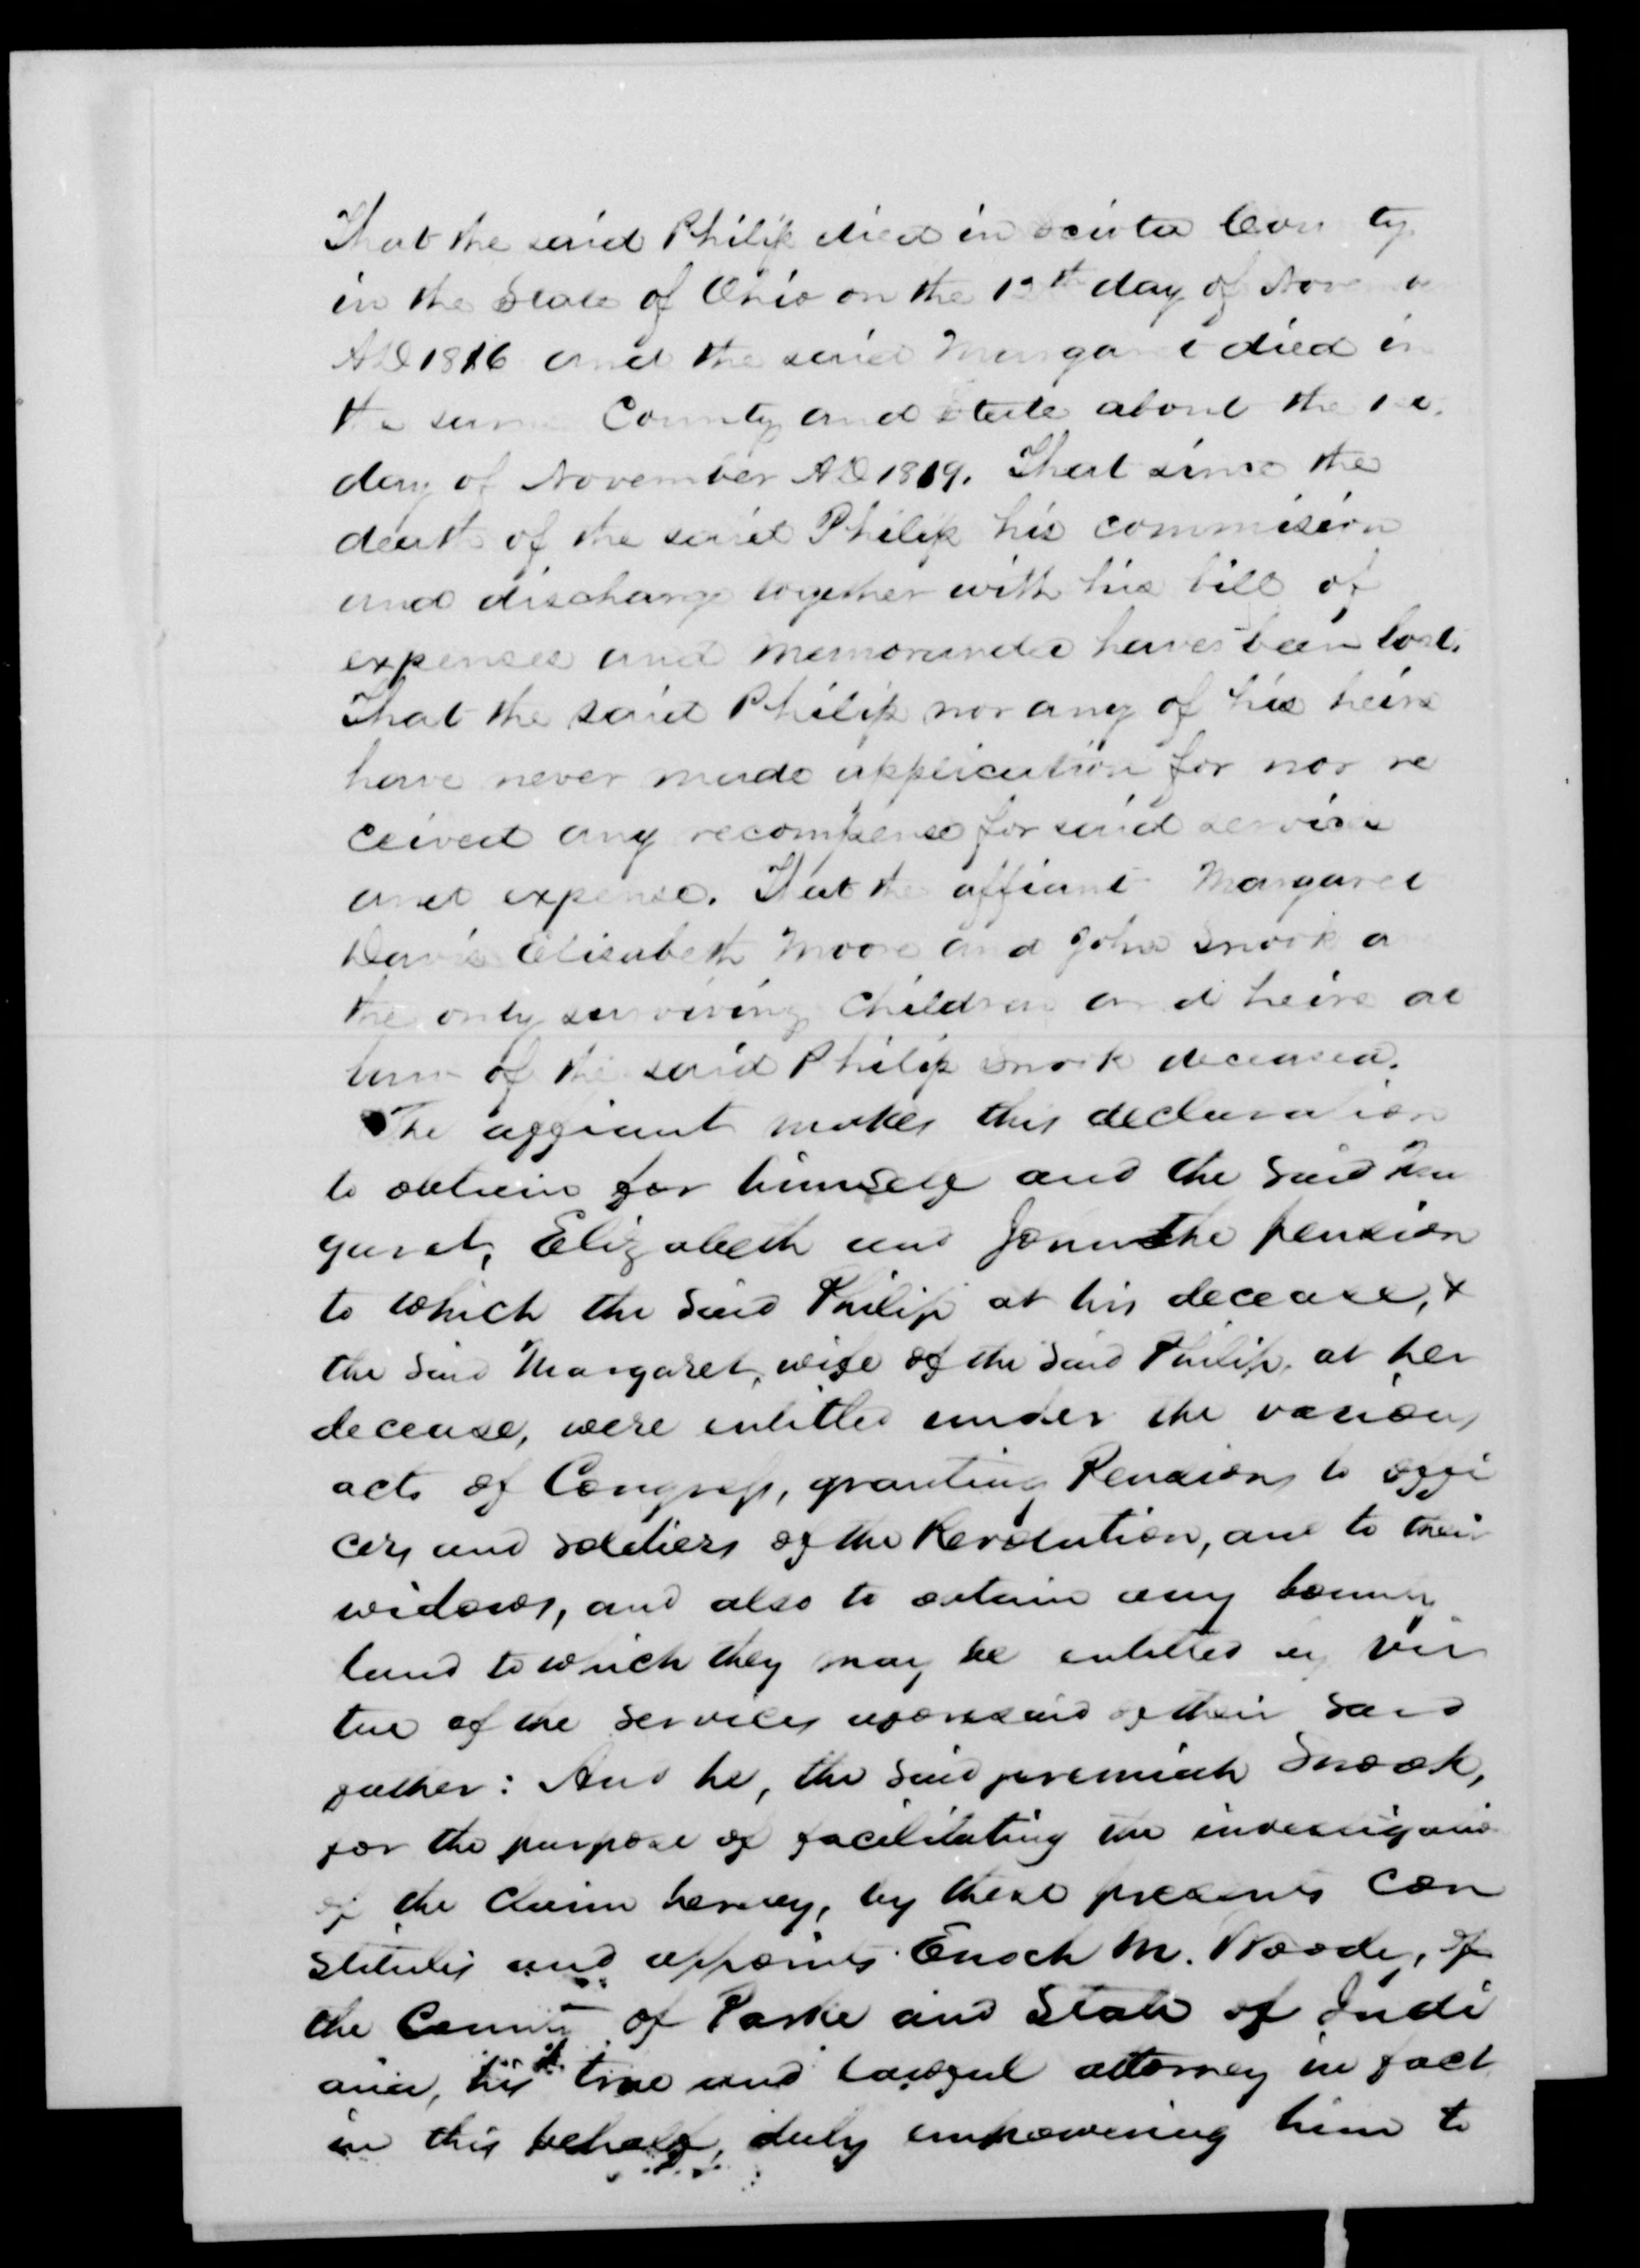That the said Philip died in Sciota County in the State of Ohio on the 12th day of November AD 1816 and the said Margaret died in the same County and State about the 1st day of November AD 1819. That since the death of the said Philip his commission and discharge together with his bill of expenses and memoranda have been lost.   That the said Philip nor any of his heirs have never made application for nor received any recompense for said service and expense. That the affiant Margaret Davis Elizabeth Moore and John Snook are the only surviving children and heirs as  born of the said Philip Snoork deceased.

The affiant makes this declaration to obtain for himself and the said Margaret, Elizabeth and John the pension to which the said Philip at his decease & the said Margaret, wife of the said Philip, at her decease, were entitled under the various acts of Congress granting Pensions to
officers and soldiers of the Revolution, and to their widows, and also to obtain any bounty
land to which they may be entitled by virtue of the services aforesaid of their said father: And he, the said Jeremiah Snook, for the purpose of facilitating the investigation of the claim hereby, by these presents constitutes and appoints Enoch M. Woody, of the County of Parke and State of Indiana, his true and lawful attorney in fact in this behalf, duly empowering him to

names: John Snook; Margaret [BLANK]; Elizabeth [BLANK]; Enoch M Woody; John [BLANK]; Margaret [BLANK]; Philip [BLANK]; Philip Snook; Jeremiah Snook; Margaret Davis; Philip [BLANK]; Margaret [BLANK]; Philip [BLANK]; Philip [BLANK]; Philip [BLANK]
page: 13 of 15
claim: rejected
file: R. 9,905, for Philip Snook, New Jersey